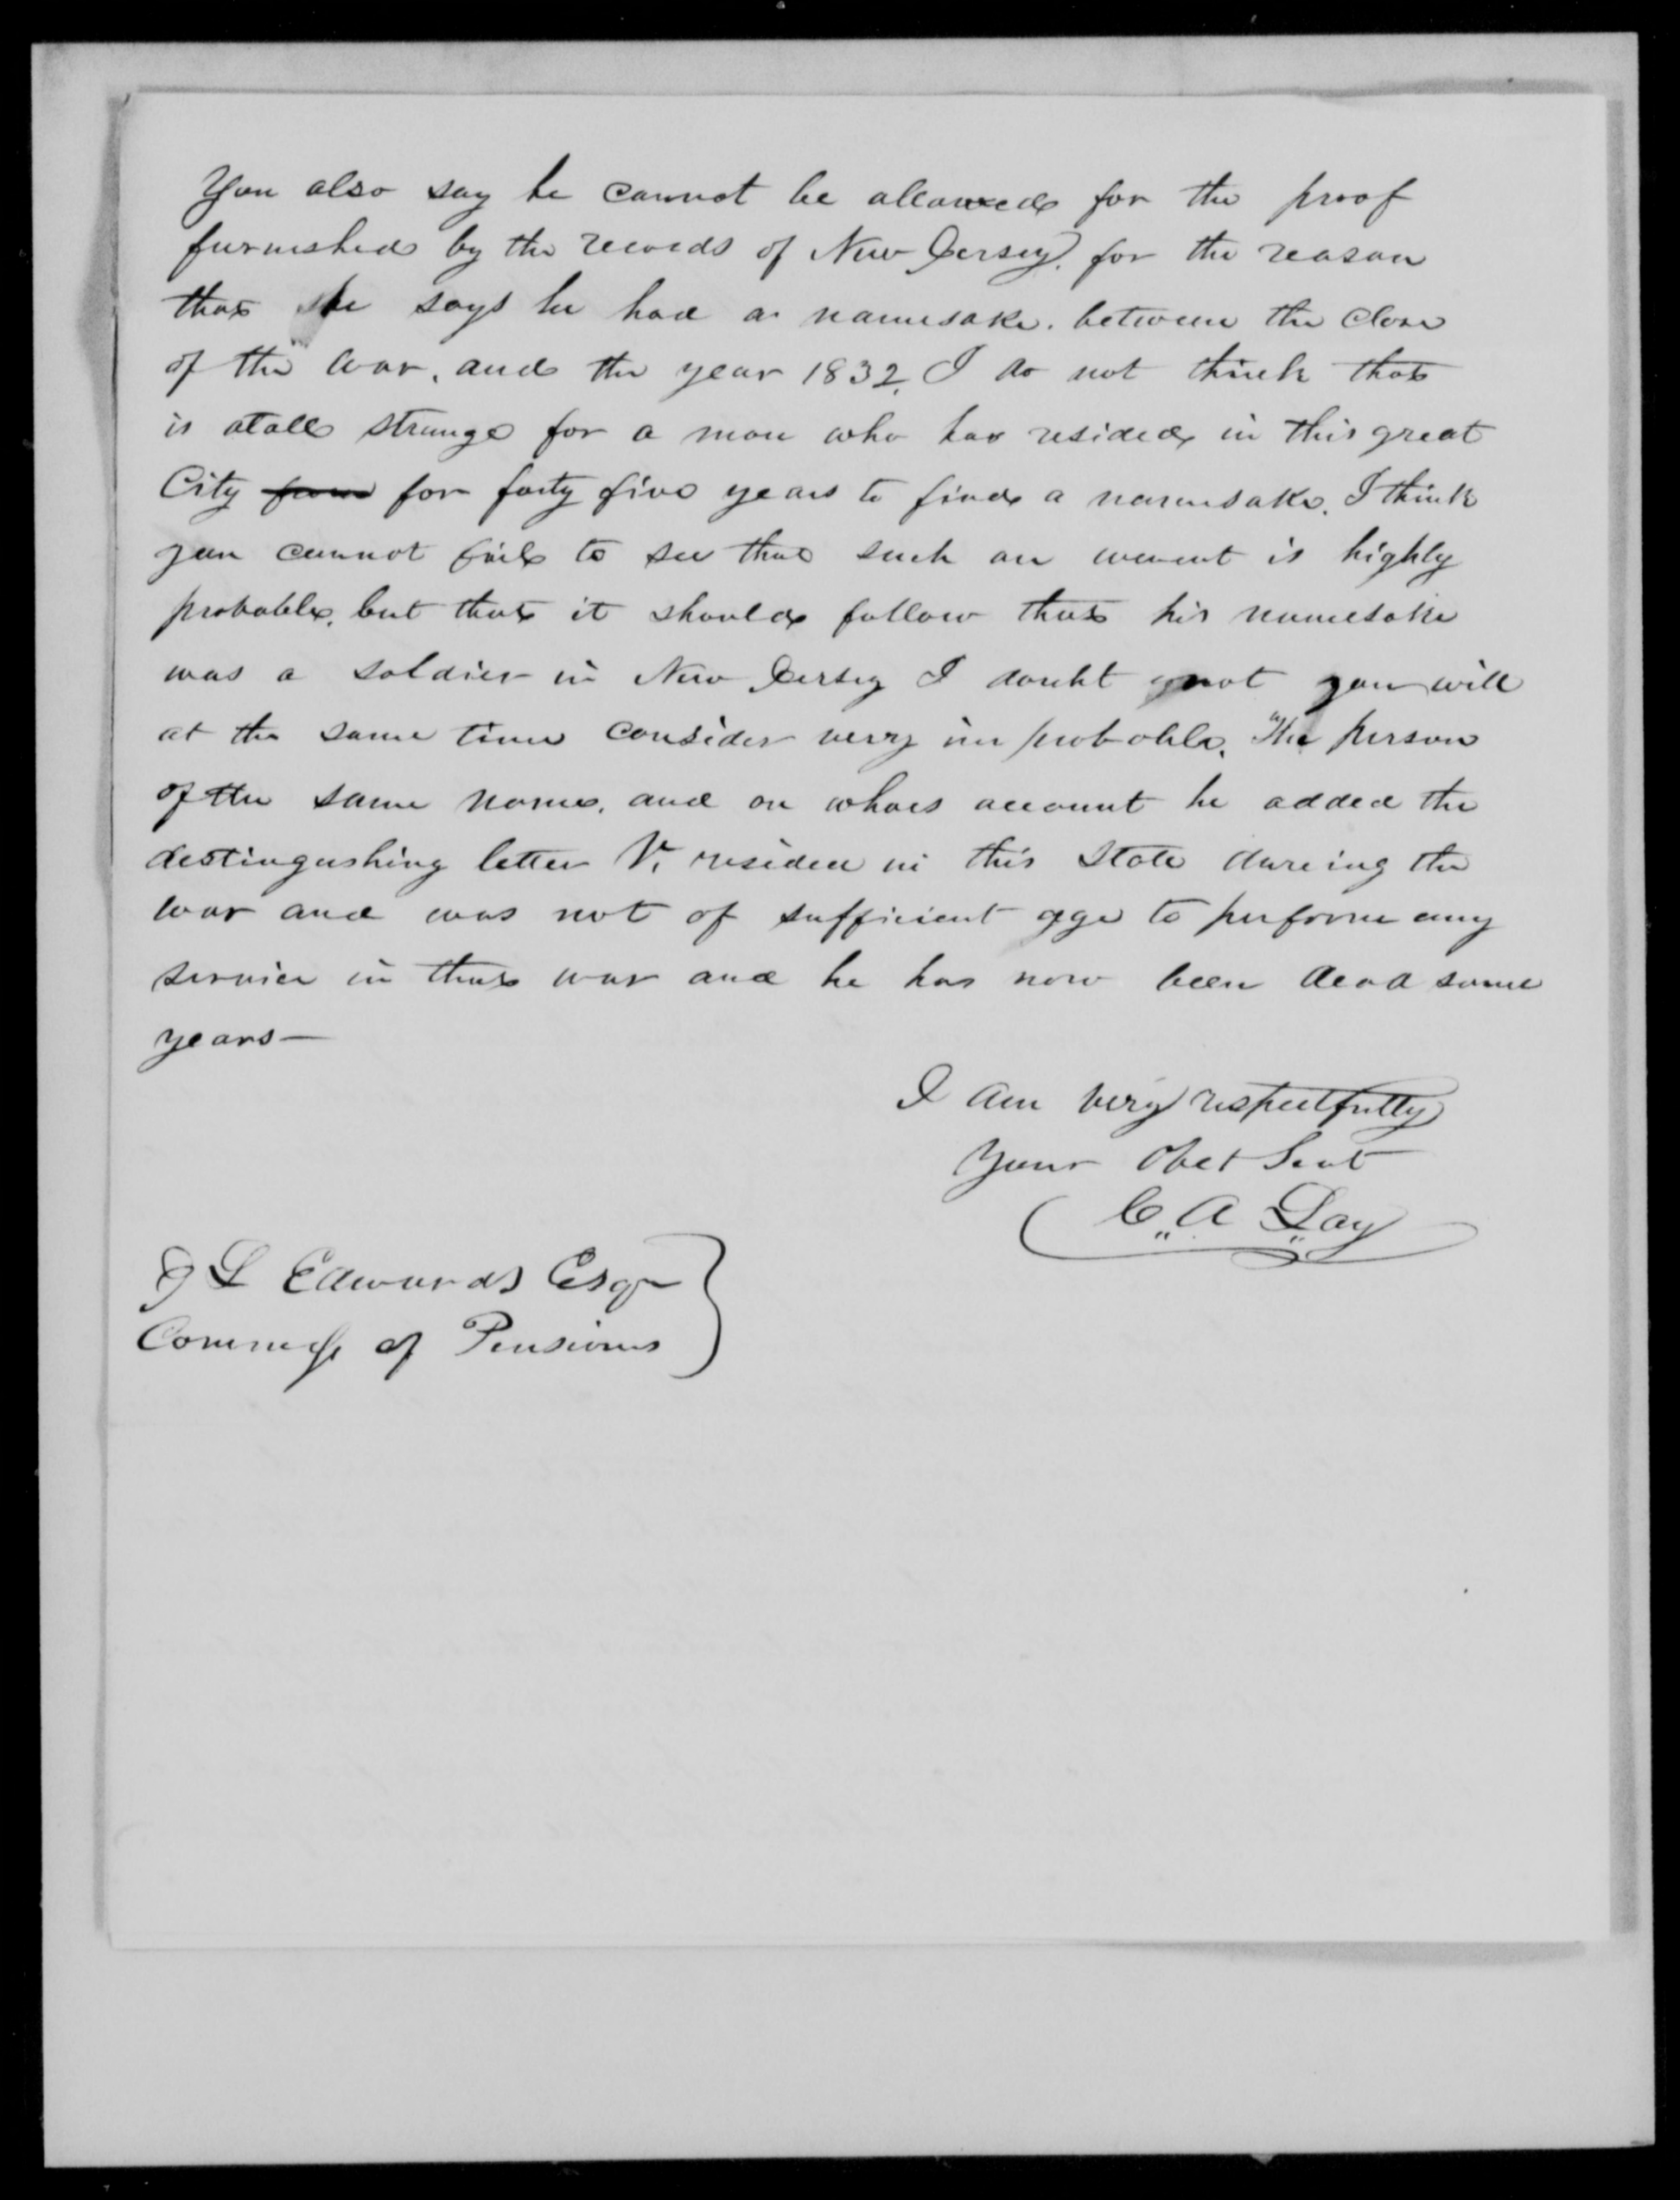You also say he cannot be allowed for the proof furnished by the records of New Jersey, for the reason that he says he has a namesake. Between the close of the War and the year 1832 I do not think that is at all strange for a man who has resided in this great City for forty five years to find a namesake. I think you cannot fail to see that such an event is highly probable, but that it should follow that his namesake was a soldier in New Jersey. I doubt not you will at the same time consider very improbable, that persons of the same name and on whose account he added the distinguishing letter V. resides in the State during the War and was not of sufficient age to perform any service in that war and he has now been dead some years _

                                      I am very respectfully
                                       Your obed Servt
                                          C A Day

J L Edwards Esq
Commiss of Pensions}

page: 23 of 101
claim: widow's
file: W. 25481, for Peter V Tilyou, New Jersey